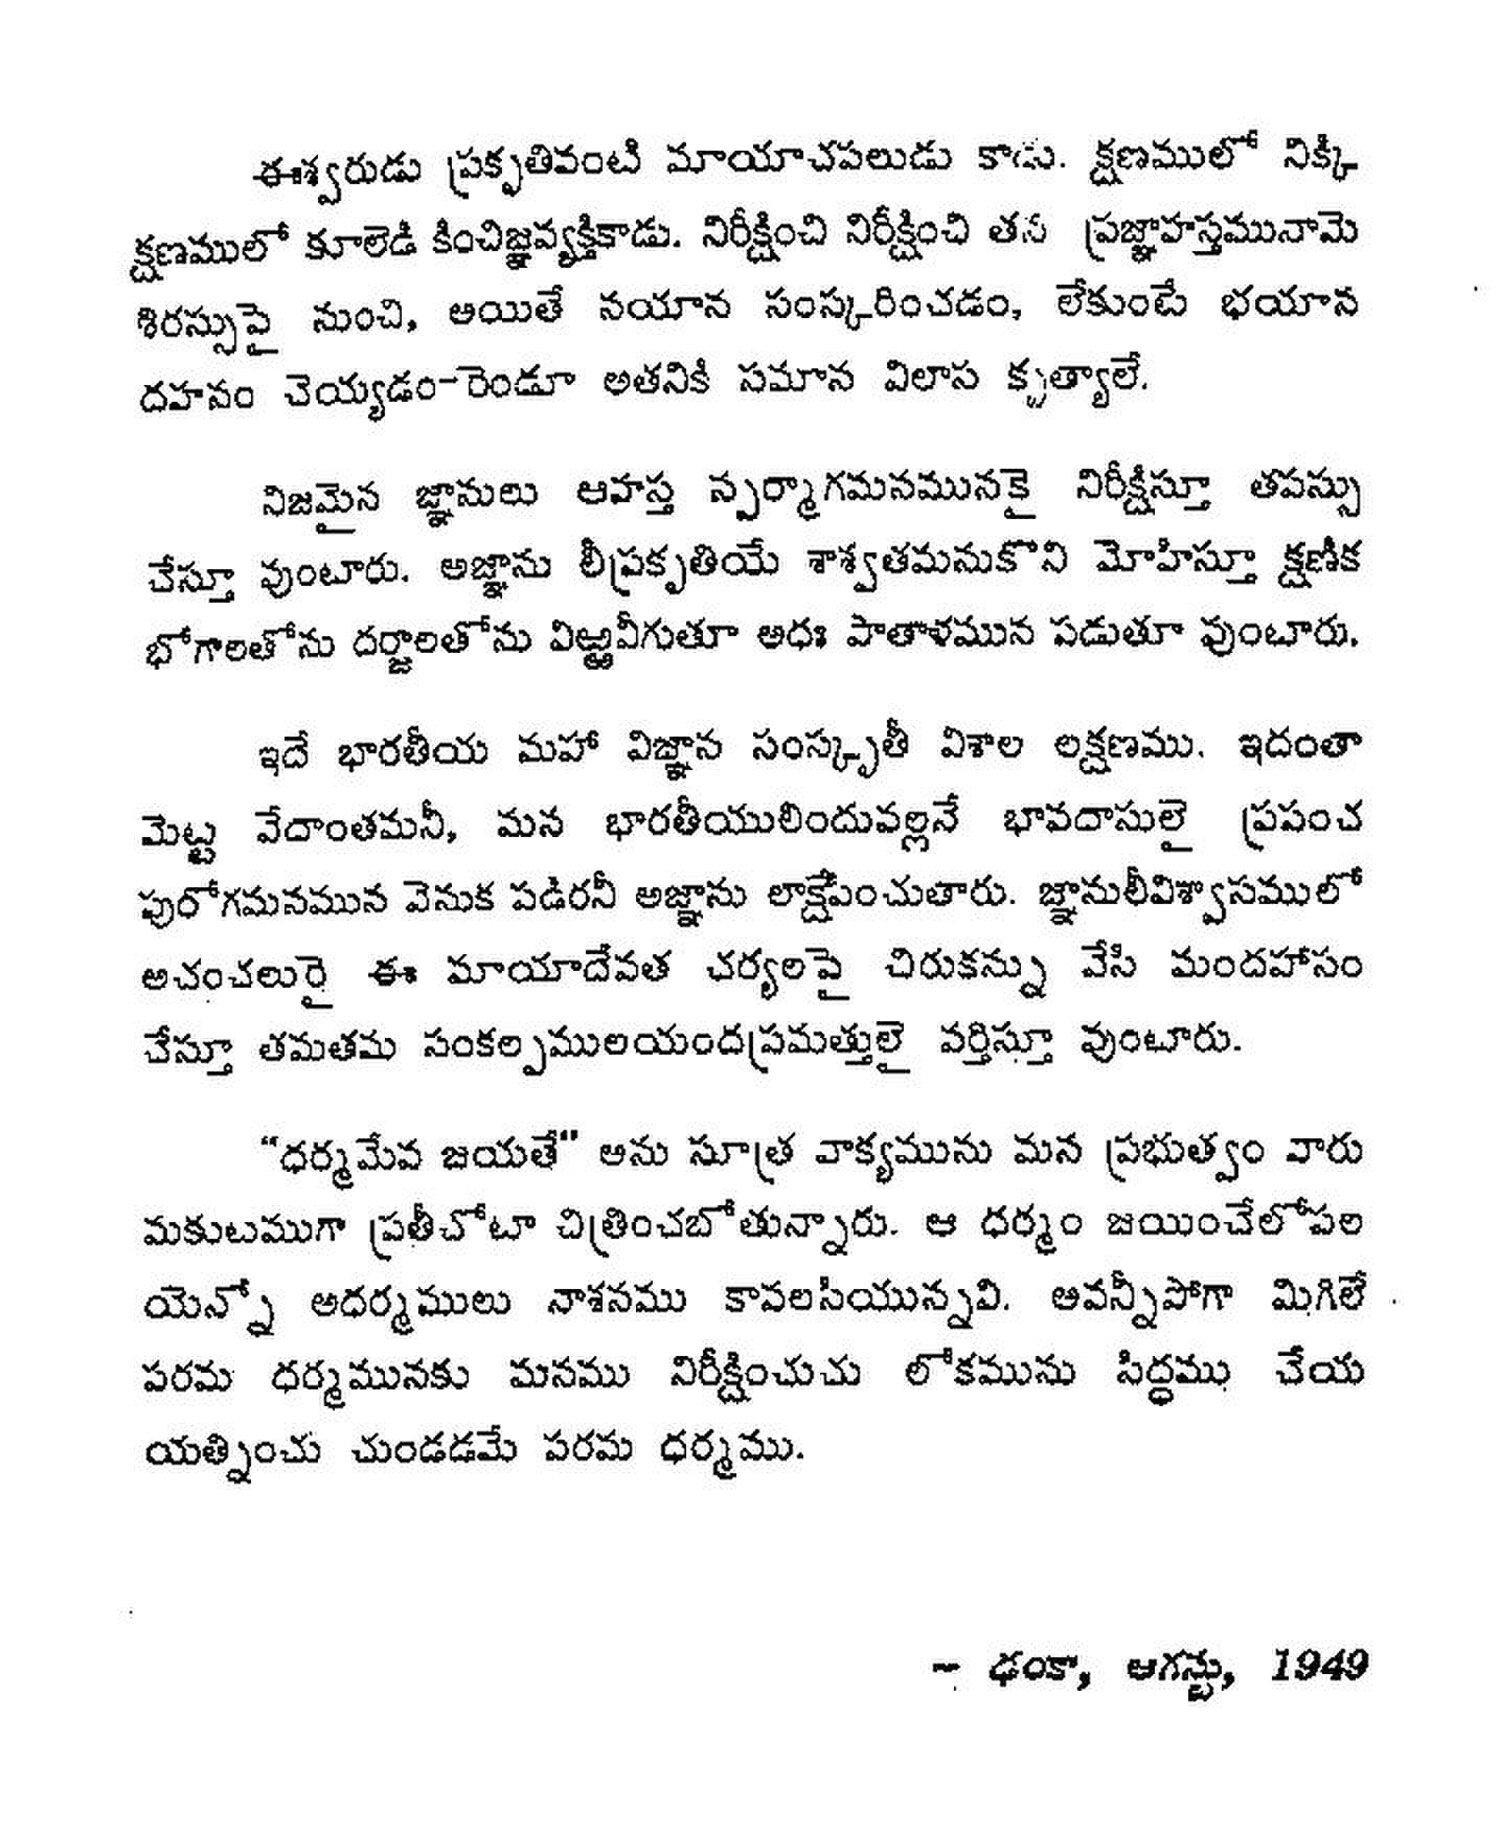ఈశ్వరుడు ప్రకృతివంటి మాయా చపలుడు కాడు. క్షణములో నిక్కి క్షణములో కూలెడి కించిజ్ఞవ్యక్తికాడు. నిరీక్షించి నిరీక్షించి తన ప్రజ్ఞాహస్తమునామె శిరస్సుపై నుంచి, అయితే నయాన సంస్కరించడం, లేకుంటే భయాన దహనం చెయ్యడం - రెండూ అతనికి సమాన విలాస కృత్యాలే.

నిజమైన జ్ఞానులు ఆహస్త స్సర్మాగమనమునకై నిరీక్షిస్తూ తపస్సు చేస్తూ వుంటారు. అజ్ఞాను లీప్రకృతియే శాశ్వతమనుకొని మోహిస్తూ క్షణిక భోగాలతోను దర్జాలతోను విఱ్ఱవీగుతూ అధః పాతాళమున పడుతూ వుంటారు.

ఇదే భారతీయ మహా విజ్ఞాన సంస్కృతీ విశాల లక్షణము. ఇదంతా మెట్ట వేదాంతమనీ, మన భారతీయులిందువల్లనే భావదాసులై ప్రపంచ పురోగమనమున వెనుక పడిరనీ అజ్ఞాను లాక్షేపించుతారు. జ్ఞానులీవిశ్వాసములో అచంచలురై ఈ మాయాదేవత చర్యలపై చిరుకన్ను వేసి మందహాసం చేస్తూ తమతమ సంకల్పములయందప్రమత్తులై వర్తిస్తూ వుంటారు.

"ధర్మమేవ జయతే" అను సూత్ర వాక్యమును మన ప్రభుత్వం వారు మకుటముగా ప్రతీచోటా చిత్రించబోతున్నారు. ఆ ధర్మం జయించేలోపల యెన్నో ఆధర్మములు నాశనము కావలసియున్నవి. అవన్నీపోగా మిగిలే పరమ ధర్మమునకు మనము నిరీక్షించుచు లోకమును సిద్ధము చేయ యత్నించు చుండడమే పరమ ధర్మము.